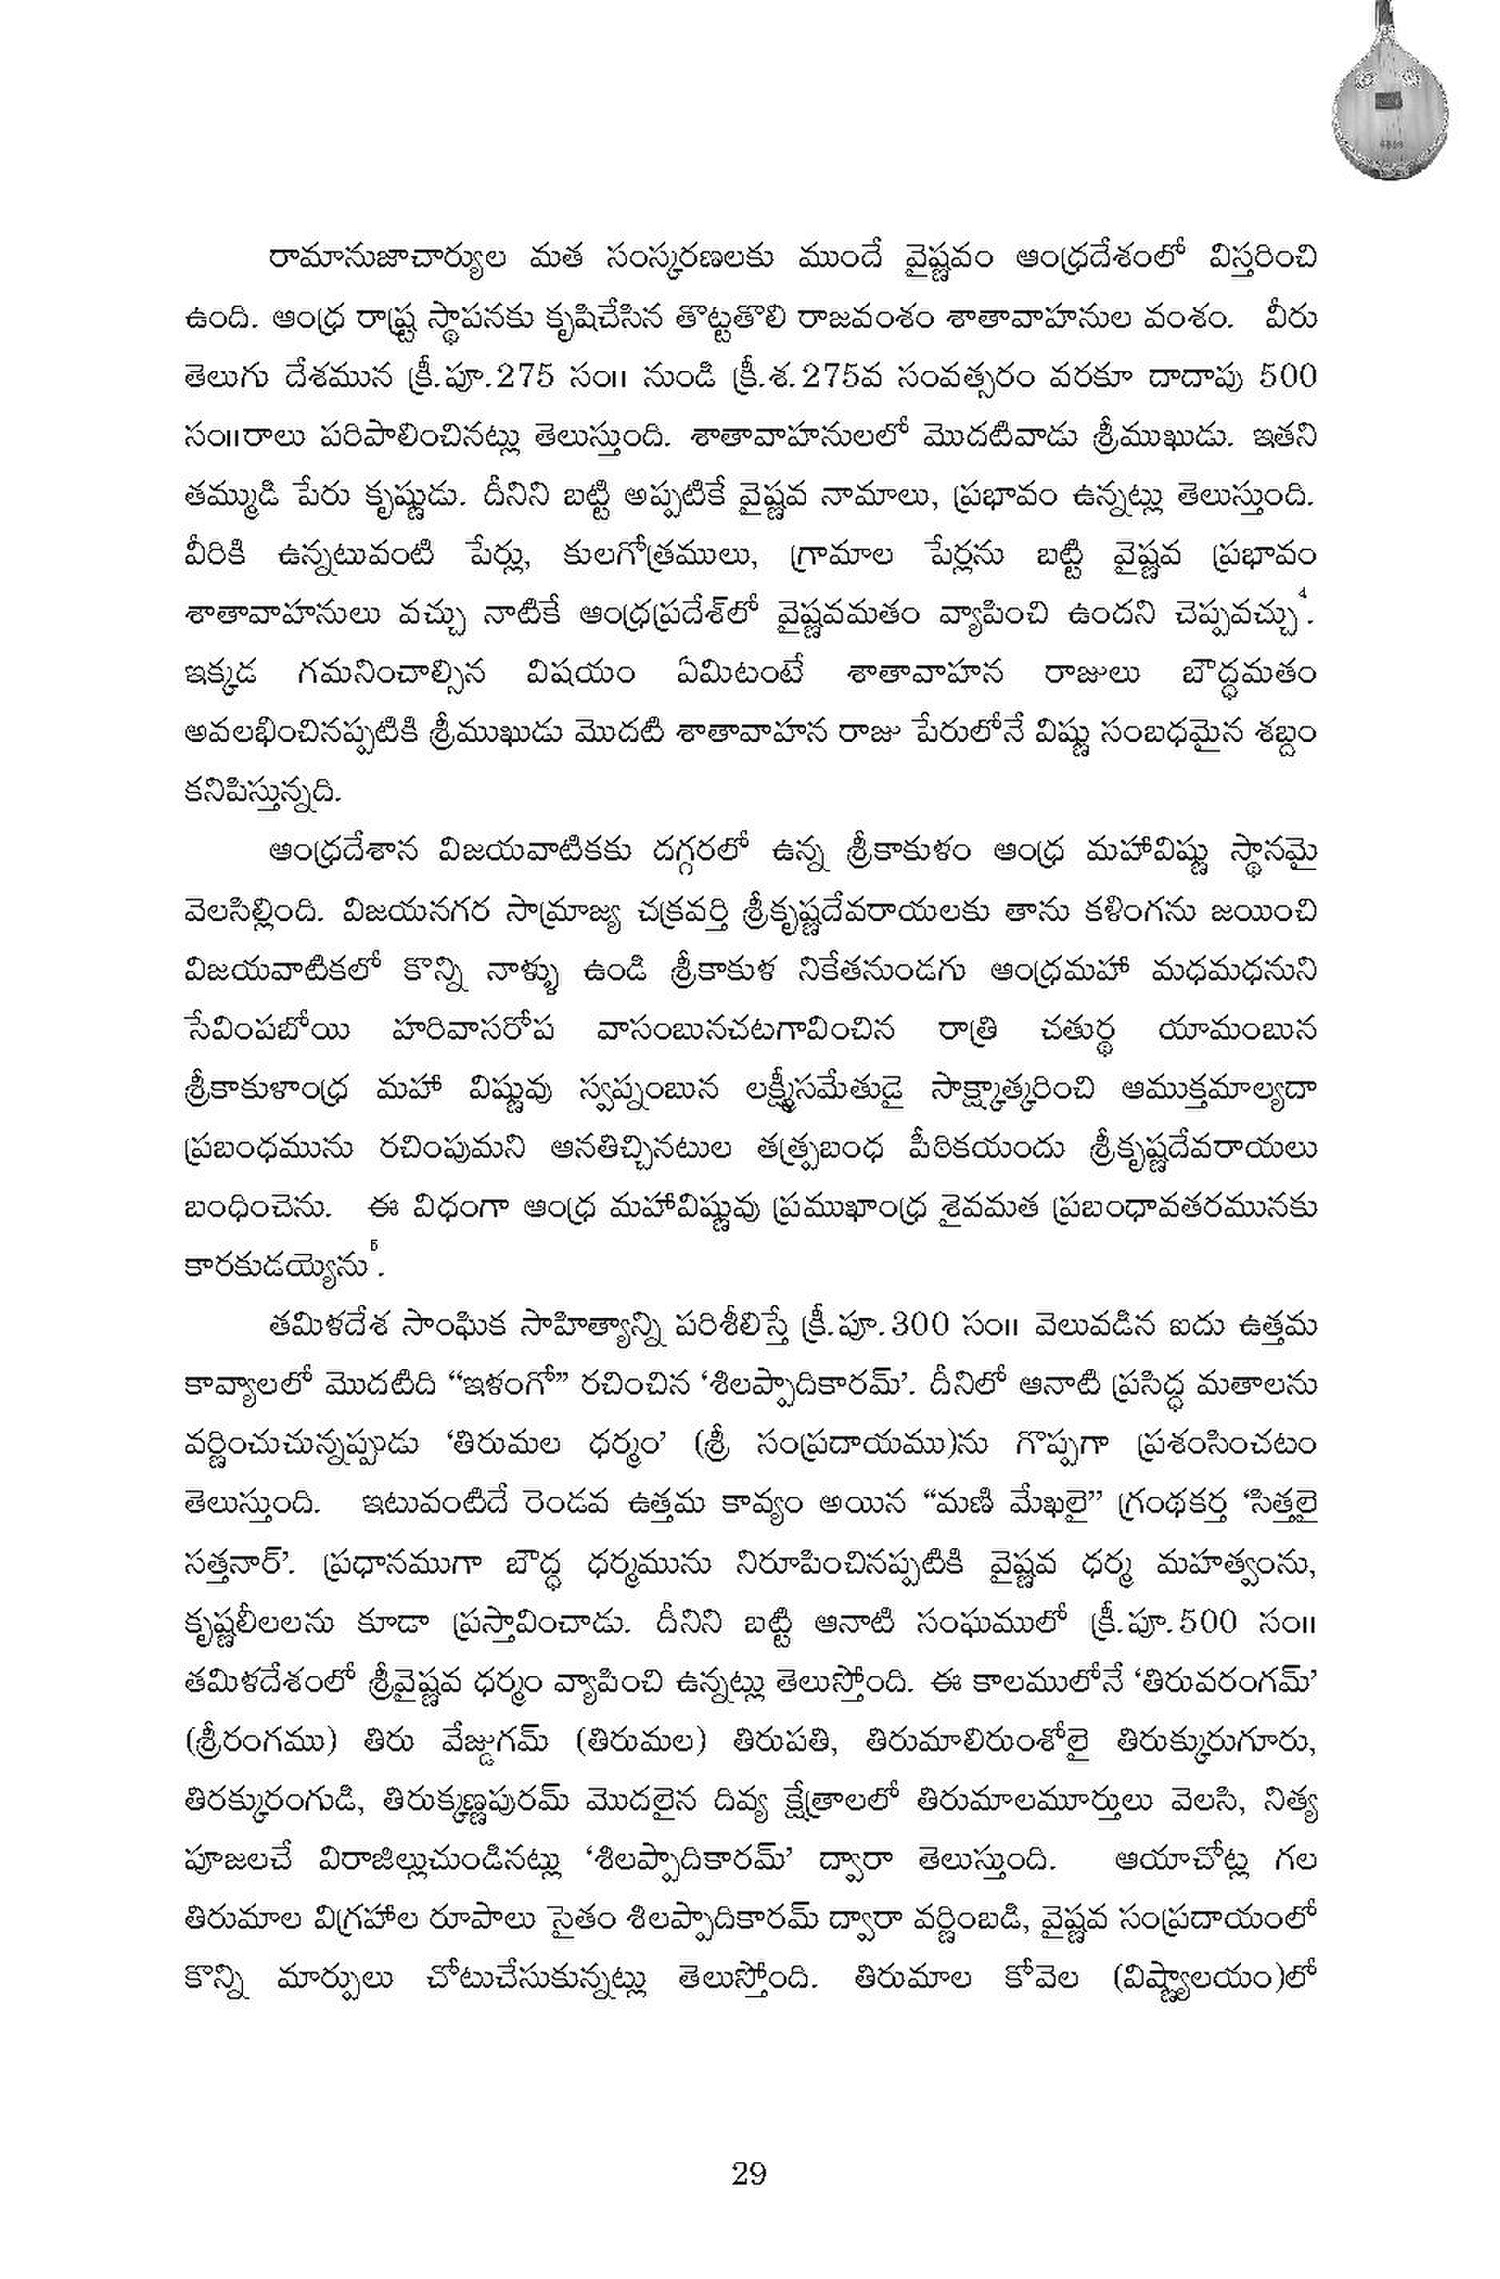రామానుజాచార్యుల మత సంస్కరణలకు ముందే వైష్ణవం ఆంధ్రదేశంలో విస్తరించి ఉంది. ఆంధ్ర రాష్ట్ర స్థాపనకు కృషిచేసిన తొట్టతొలి రాజవంశం శాతావాహనుల వంశం. వీరు తెలుగు దేశమున క్రీ.పూ.275 సం॥ నుండి క్రీ.శ.275వ సంవత్సరం వరకూ దాదాపు 500 సం॥రాలు పరిపాలించినట్లు తెలుస్తుంది. శాతావాహనులలో మొదటివాడు శ్రీముఖుడు. ఇతని తమ్ముడి పేరు కృష్ణుడు. దీనిని బట్టి అప్పటికే వైష్ణవ నామాలు, ప్రభావం ఉన్నట్లు తెలుస్తుంది. వీరికి ఉన్నటువంటి పేర్లు, కులగోత్రములు, గ్రామాల పేర్లను బట్టి వైష్ణవ ప్రభావం శాతావాహనులు వచ్చు నాటికే ఆంధ్రప్రదేశ్లో వైష్ణవమతం వ్యాపించి ఉందని చెప్పవచ్చు.4 ఇక్కడ గమనించాల్సిన విషయం ఏమిటంటే శాతావాహన రాజులు బౌద్ధమతం అవలభించినప్పటికి శ్రీముఖుడు మొదటి శాతావాహన రాజు పేరులోనే విష్ణు సంబధమైన శబ్దం కనిపిస్తున్నది.

ఆంధ్రదేశాన విజయవాటికకు దగ్గరలో ఉన్న శ్రీకాకుళం ఆంధ్ర మహావిష్ణు స్థానమై వెలసిల్లింది. విజయనగర సామ్రాజ్య చక్రవర్తి శ్రీకృష్ణదేవరాయలకు తాను కళింగను జయించి విజయవాటికలో కొన్ని నాళ్ళు ఉండి శ్రీకాకుళ నికేతనుండగు ఆంధ్రమహా మధమధనుని సేవింపబోయి హరివాసరోప వాసంబునచటగావించిన రాత్రి చతుర్థ యామంబున శ్రీకాకుళాంధ్ర మహా విష్ణువు స్వప్నంబున లక్ష్మీసమేతుడై సాక్షాత్కరించి ఆముక్తమాల్యదా ప్రబంధమును రచింపుమని ఆనతిచ్చినటుల తత్ప్రబంధ పీఠికయందు శ్రీకృష్ణదేవరాయలు బంధించెను. ఈ విధంగా ఆంధ్ర మహావిష్ణువు ప్రముఖాంధ్ర శైవమత ప్రబంధావతరమునకు కారకుడయ్యెను.5

తమిళదేశ సాంఘిక సాహిత్యాన్ని పరిశీలిస్తే క్రీ.పూ.300 సం॥ వెలువడిన ఐదు ఉత్తమ కావ్యాలలో మొదటిది "ఇళంగో” రచించిన 'శిలప్పాధికారమ్'. దీనిలో ఆనాటి ప్రసిద్ధ మతాలను వర్ణించుచున్నప్పుడు 'తిరుమల ధర్మం' (శ్రీ సంప్రదాయము)ను గొప్పగా ప్రశంసించటం తెలుస్తుంది. ఇటువంటిదే రెండవ ఉత్తమ కావ్యం అయిన "మణి మేఖలై” గ్రంథకర్త 'సిత్తలై సత్తనార్'. ప్రధానముగా బౌద్ధ ధర్మమును నిరూపించినప్పటికి వైష్ణవ ధర్మ మహత్వంను, కృష్ణలీలలను కూడా ప్రస్తావించాడు. దీనిని బట్టి ఆనాటి సంఘములో క్రీ.పూ. 500 సం॥ తమిళదేశంలో శ్రీవైష్ణవ ధర్మం వ్యాపించి ఉన్నట్లు తెలుస్తోంది. ఈ కాలములోనే 'తిరువరంగమ్' (శ్రీరంగము) తిరు వేజ్జుగమ్ (తిరుమల) తిరుపతి, తిరుమాలిరుం శోలై తిరుక్కురుగూరు, తిరక్కురంగుడి, తిరుక్కణ్ణపురమ్ మొదలైన దివ్య క్షేత్రాలలో తిరుమాలమూర్తులు వెలసి, నిత్య
పూజలచే విరాజిల్లుచుండినట్లు 'శిలప్పాధికారమ్' ద్వారా తెలుస్తుంది. ఆయాచోట్ల గల తిరుమాల విగ్రహాల రూపాలు సైతం శిలప్పాధికారమ్ ద్వారా వర్ణింబడి, వైష్ణవ సంప్రదాయంలో కొన్ని మార్పులు చోటుచేసుకున్నట్లు తెలుస్తోంది. తిరుమాల కోవెల (విష్ణ్యాలయం)లో